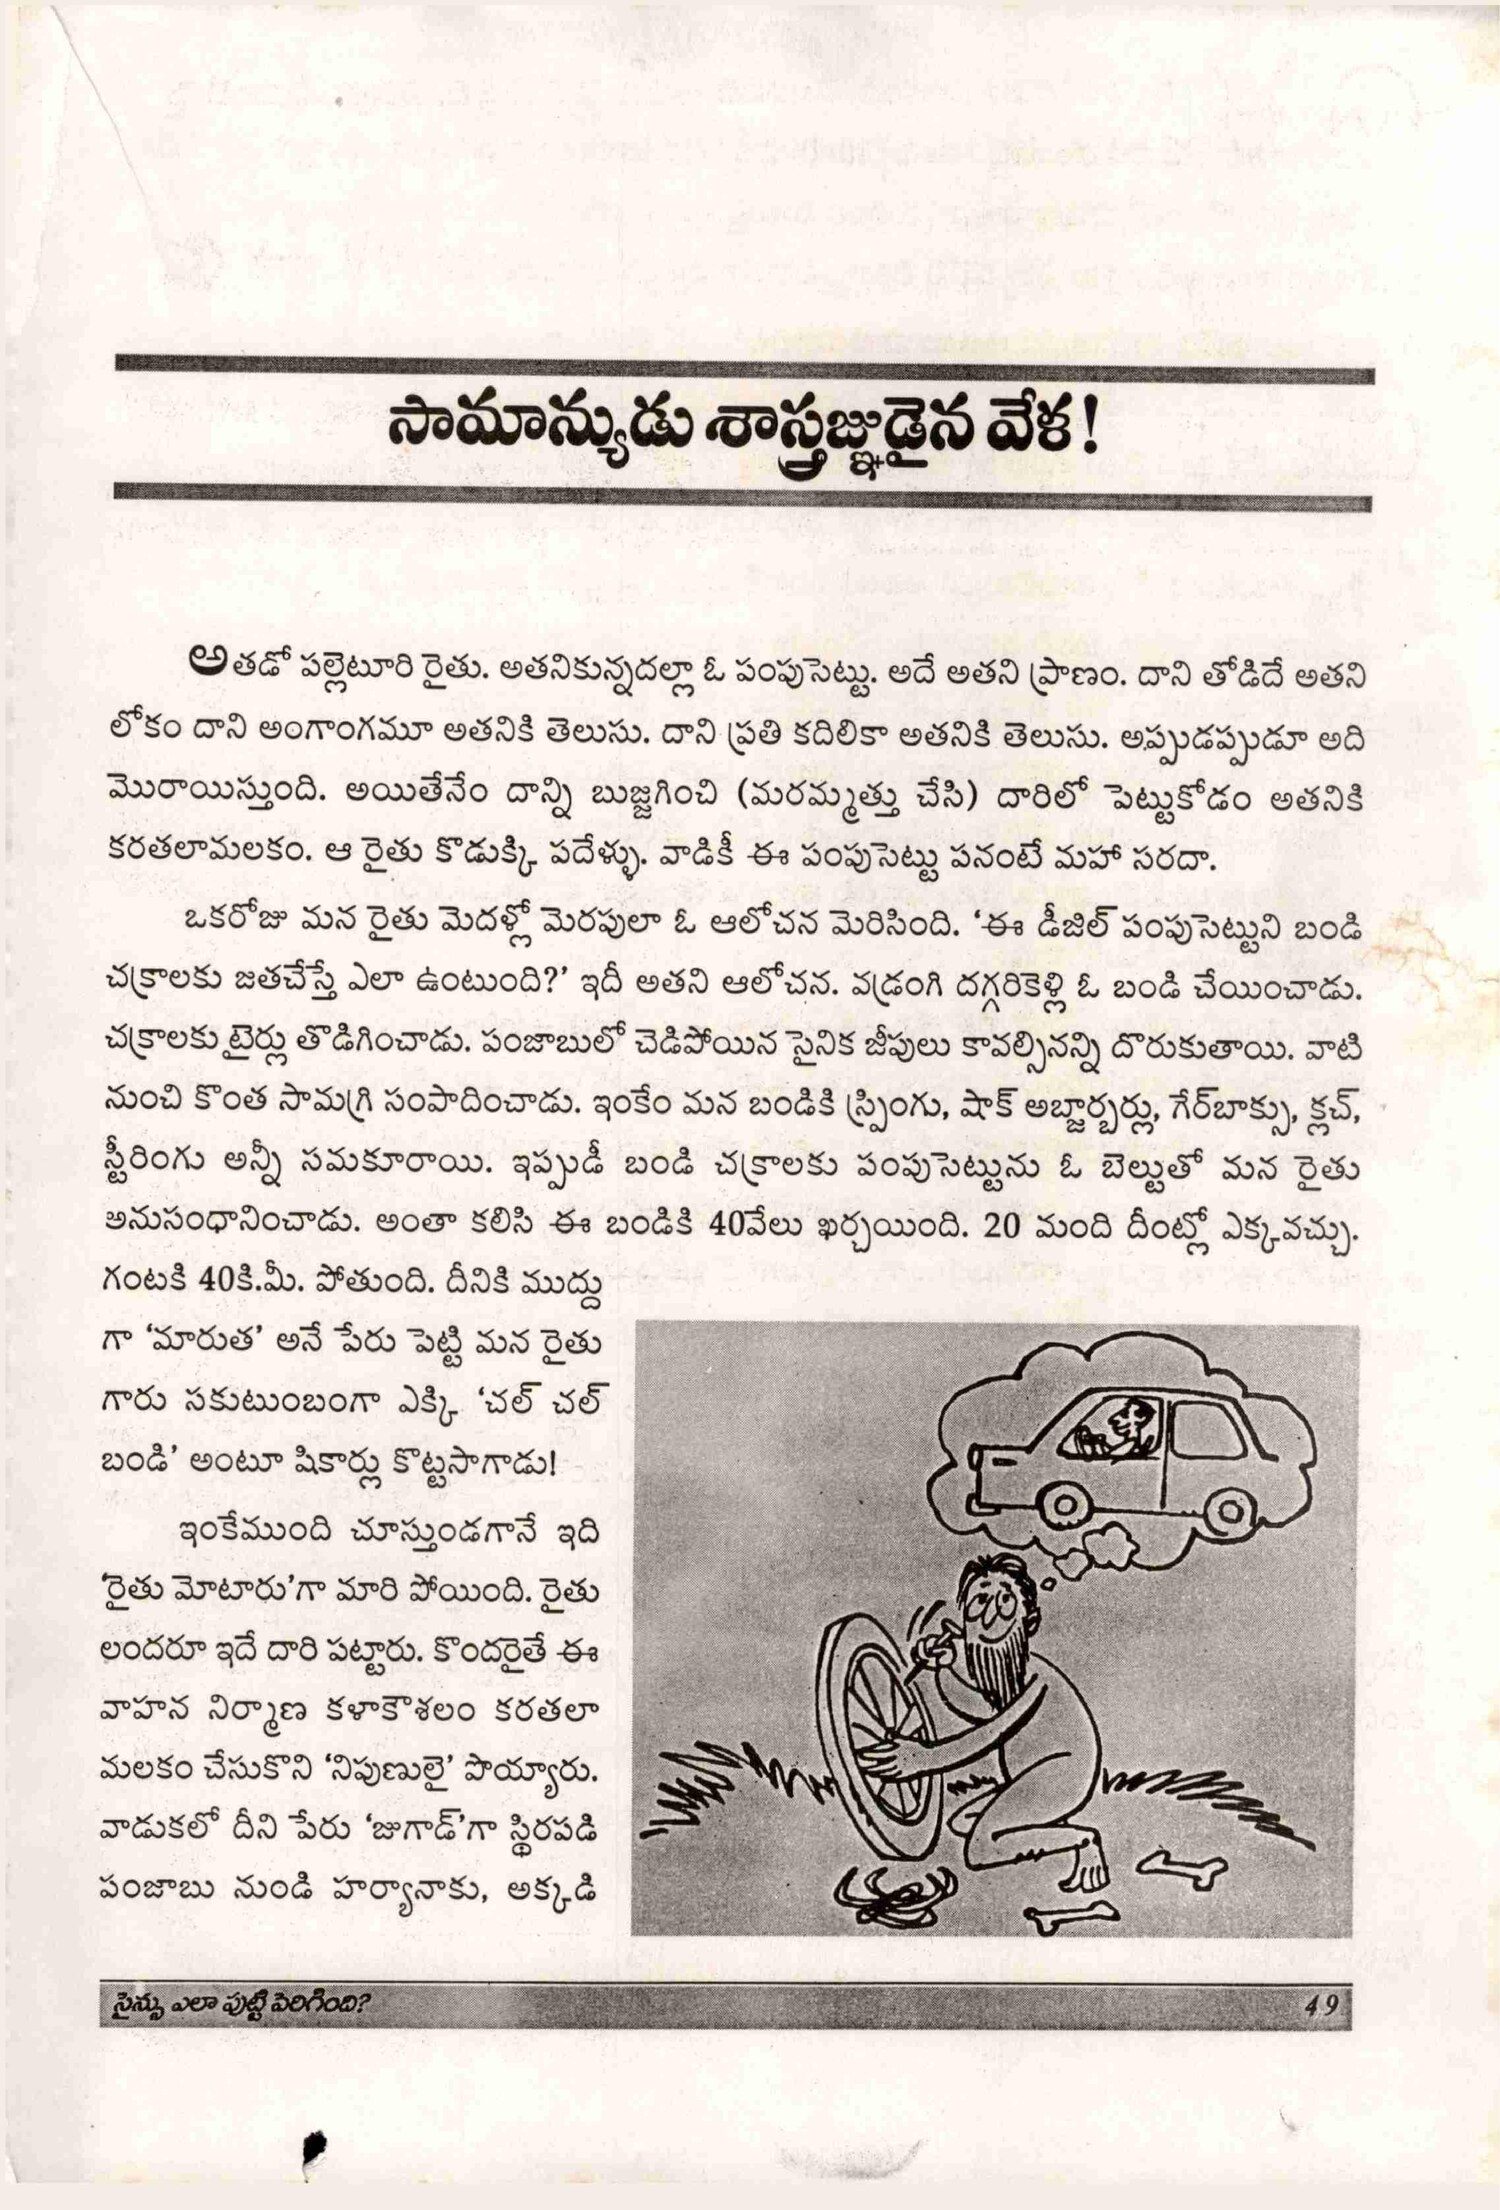సామాన్యుడు శాస్త్రజ్ఞుడైన వేళ !

అతడో పల్లెటూరి రైతు. అతనికున్నదల్లా ఓ పంపుసెట్టు. అదే అతని ప్రాణం. దాని తోడిదే అతని లోకం దాని అంగాంగమూ అతనికి తెలుసు. దాని ప్రతి కదిలికా అతనికి తెలుసు. అప్పుడప్పుడూ అది మొరాయిస్తుంది. అయితేనేం దాన్ని బుజ్జగించి (మరమ్మత్తు చేసి) దారిలో పెట్టుకోడం అతనికి కరతలామలకం. ఆ రైతు కొడుక్కి పదేళ్ళు. వాడికీ ఈ పంపుసెట్టు పనంటే మహా సరదా.

ఒకరోజు మన రైతు మెదళ్లో మెరపులా ఓ ఆలోచన మెరిసింది. 'ఈ డీజిల్ పంపుసెట్టుని బండి చక్రాలకు జతచేస్తే ఎలా ఉంటుంది?' ఇదీ అతని ఆలోచన. వడ్రంగి దగ్గరికెళ్లి ఓ బండి చేయించాడు. చక్రాలకు టైర్లు తొడిగించాడు. పంజాబులో చెడిపోయిన సైనిక జీపులు కావల్సినన్ని దొరుకుతాయి. వాటి నుంచి కొంత సామగ్రి సంపాదించాడు. ఇంకేం మన బండికి స్ప్రింగు, షాక్ అబ్జార్బర్లు, గేర్‌బాక్సు, క్లచ్, స్టీరింగు అన్నీ సమకూరాయి. ఇప్పుడీ బండి చక్రాలకు పంపుసెట్టును ఓ బెల్టుతో మన రైతు అనుసంధానించాడు. అంతా కలిసి ఈ బండికి 40వేలు ఖర్చయింది. 20 మంది దీంట్లో ఎక్కవచ్చు. గంటకి 40కి.మీ. పోతుంది. దీనికి ముద్దుగా 'మారుత' అనే పేరు పెట్టి మన రైతుగారు సకుటుంబంగా ఎక్కి 'చల్ చల్ బండి' అంటూ షికార్లు కొట్టసాగాడు!

ఇంకేముంది చూస్తుండగానే ఇది 'రైతు మోటారు'గా మారి పోయింది. రైతు లందరూ ఇదే దారి పట్టారు. కొందరైతే ఈ వాహన నిర్మాణ కళాకౌశలం కరతలామలకం చేసుకొని ‘నిపుణులై' పొయ్యారు. వాడుకలో దీని పేరు 'జుగాడ్'గా స్థిరపడి పంజాబు నుండి హర్యానాకు, అక్కడి